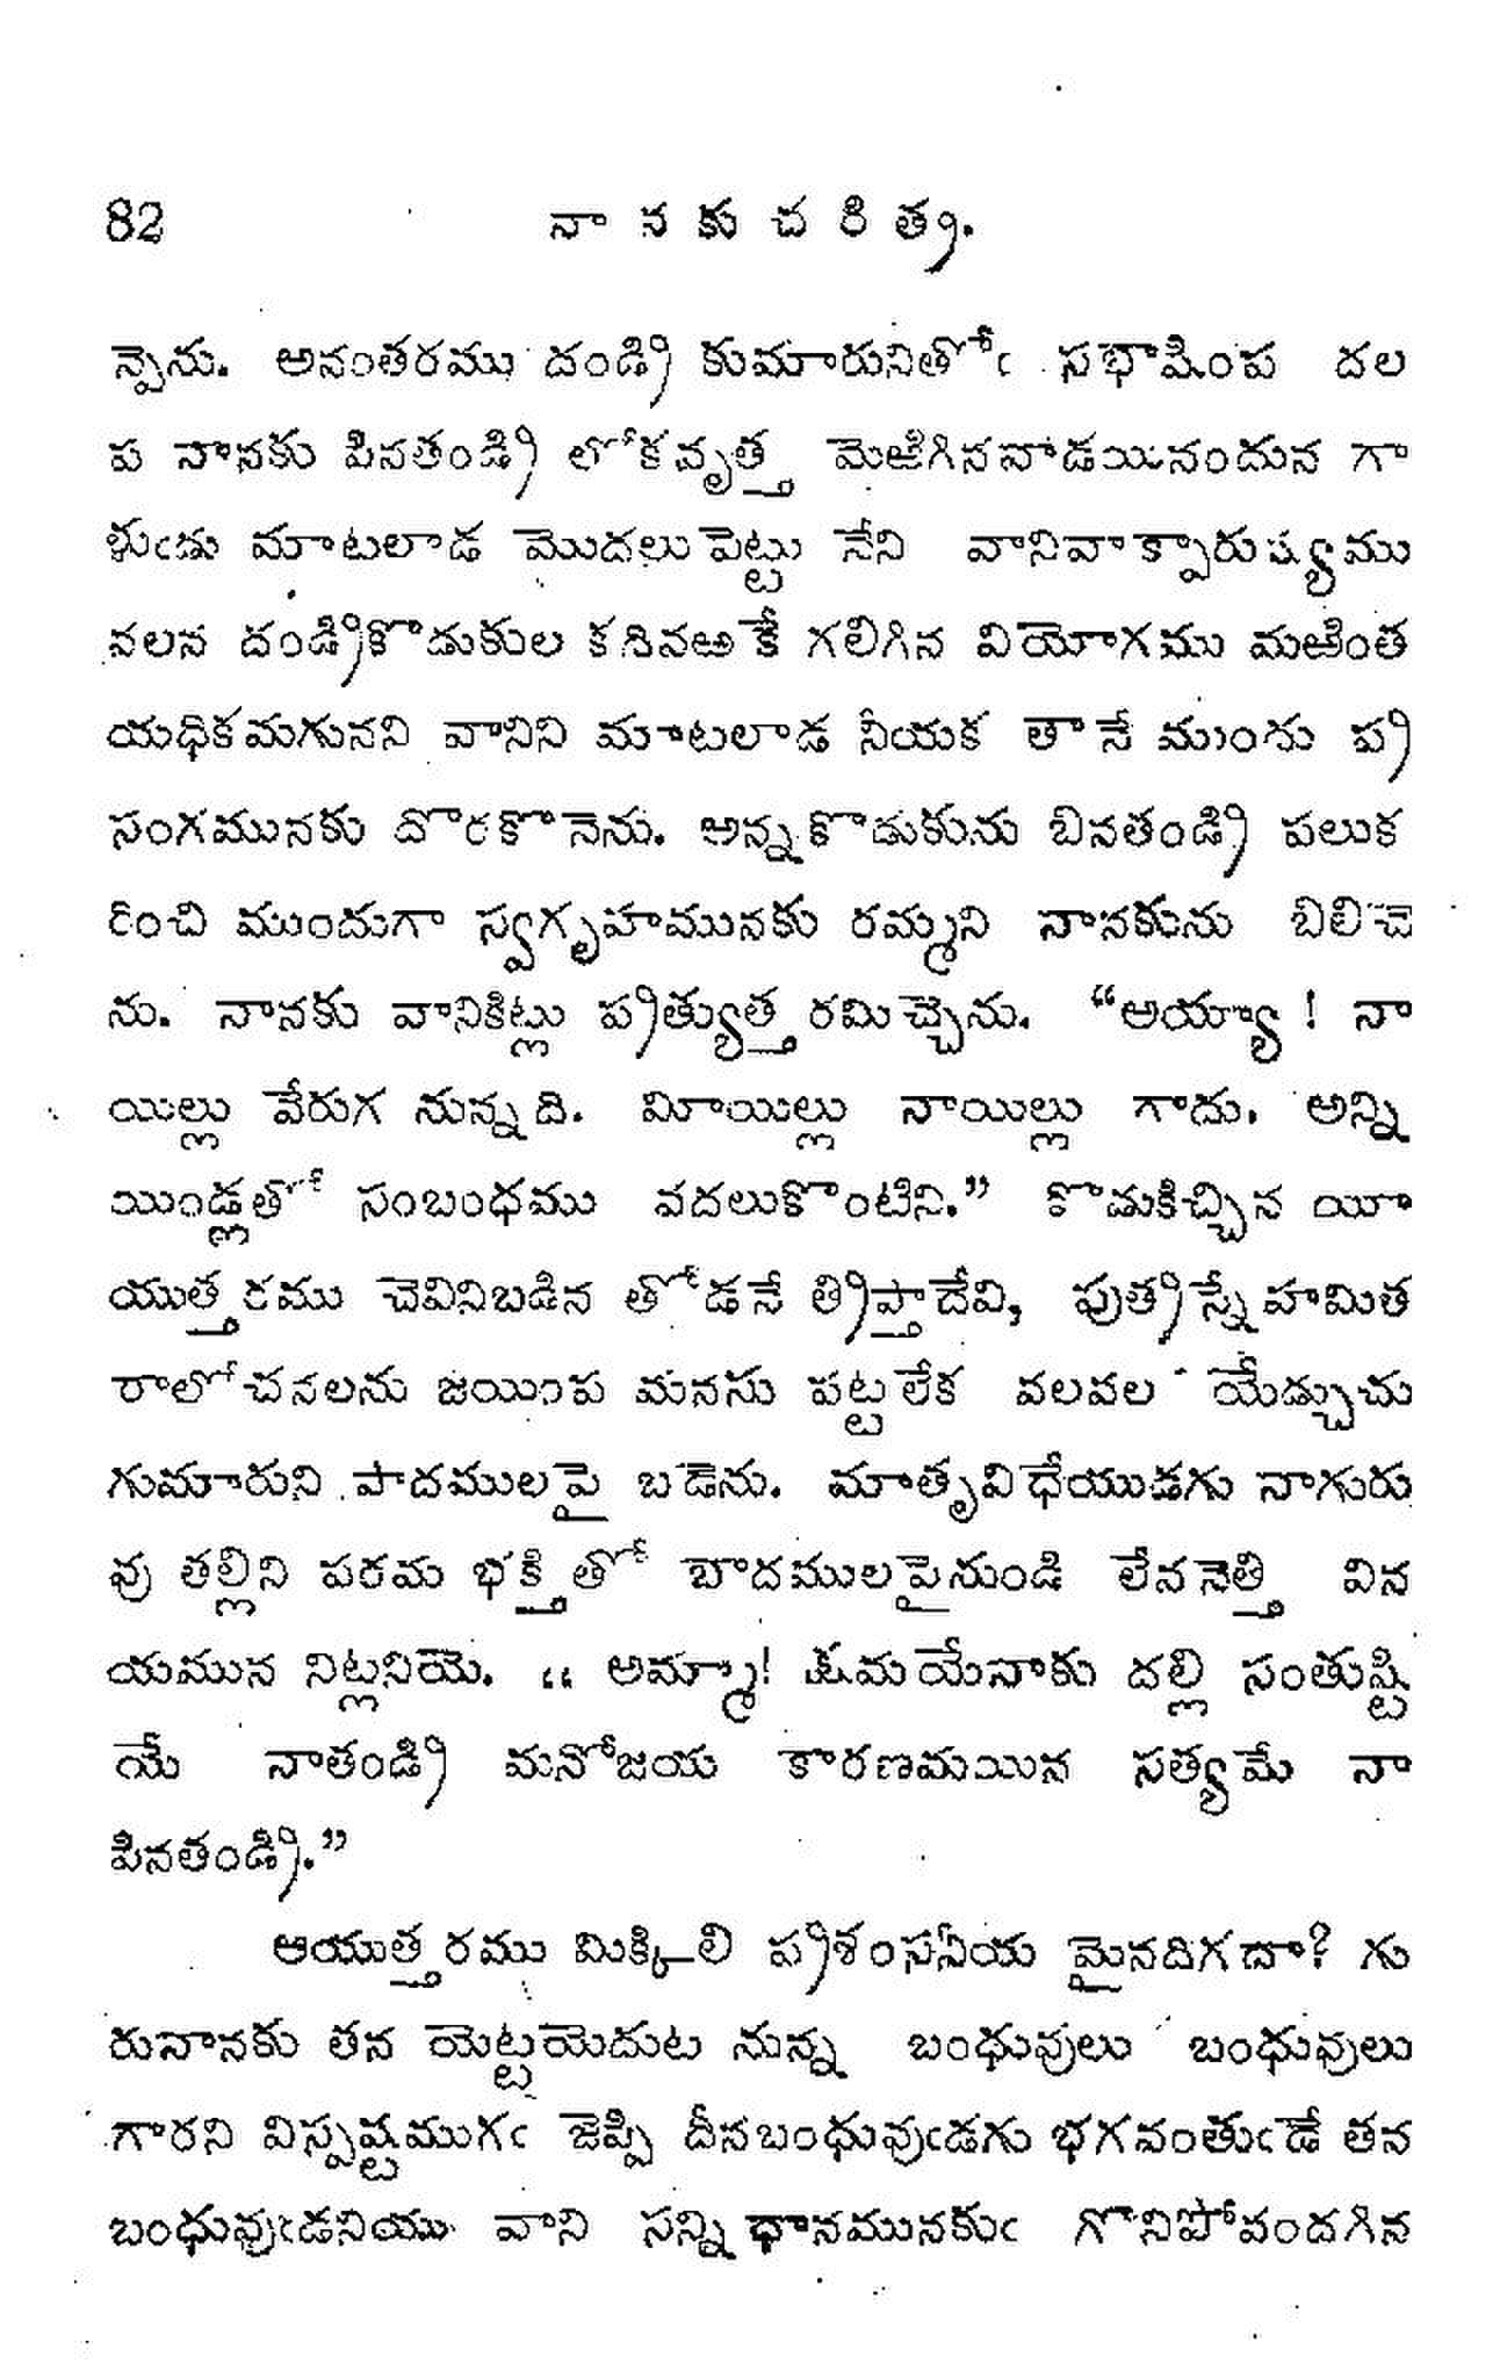న్పెను. అనంతరము దండ్రి కుమారునితో సభాషింప దలప నానకు పినతండ్రి లోకవృత్త మెఱిగినవాడయినందున గాళుడు మాటలాడ మొదలుపెట్టు నేని వానివాక్పారుష్యము వలన దండ్రికొడుకుల కదివఱకే గలిగిన వియోగము మఱింత యధికమగునని వానిని మాటలాడ నీయక తానే ముందు ప్రసంగమునకు దొరకొనెను. అన్నకొడుకును బినతండ్రి పలుకరించి ముందుగా స్వగృహమునకు రమ్మని నానకును బిలిచెను. నానకు వానికిట్లు ప్రత్యుత్తరమిచ్చెను. "అయ్యా! నా యిల్లు వేరుగ నున్నది. మీయిల్లు నాయిల్లు గాదు. అన్ని యిండ్లతో సంబంధము వదలుకొంటిని." కొడుకిచ్చిన యీయుత్తరము చెవినిబడిన తోడనే త్రిప్తాదేవి, పుత్రస్నేహమితరాలోచనలను జయింప మనసు పట్టలేక వలవల యేడ్చుచు గుమారుని పాదములపై బడెను. మాతృవిధేయుడగు నాగురువు తల్లిని పరమ భక్తితో బాదములపైనుండి లేవనెత్తి వినయమున నిట్లనియె. "అమ్మా! క్షమయేనాకు దల్లి సంతుష్టియే నాతండ్రి మనోజయ కారణమయిన సత్యమే నాపినతండ్రి.

ఆయుత్తరము మిక్కిలి ప్రశంసనీయ మైనదిగదా? గురునానకు తన యెట్టయెదుట నున్న బంధువులు బంధువులుగారని విస్పష్టముగ జెప్పి దీనబంధువుడగు భగవంతుడే తన బంధువుడనియు వాని సన్నిధానమునకు గొనిపోవందగిన